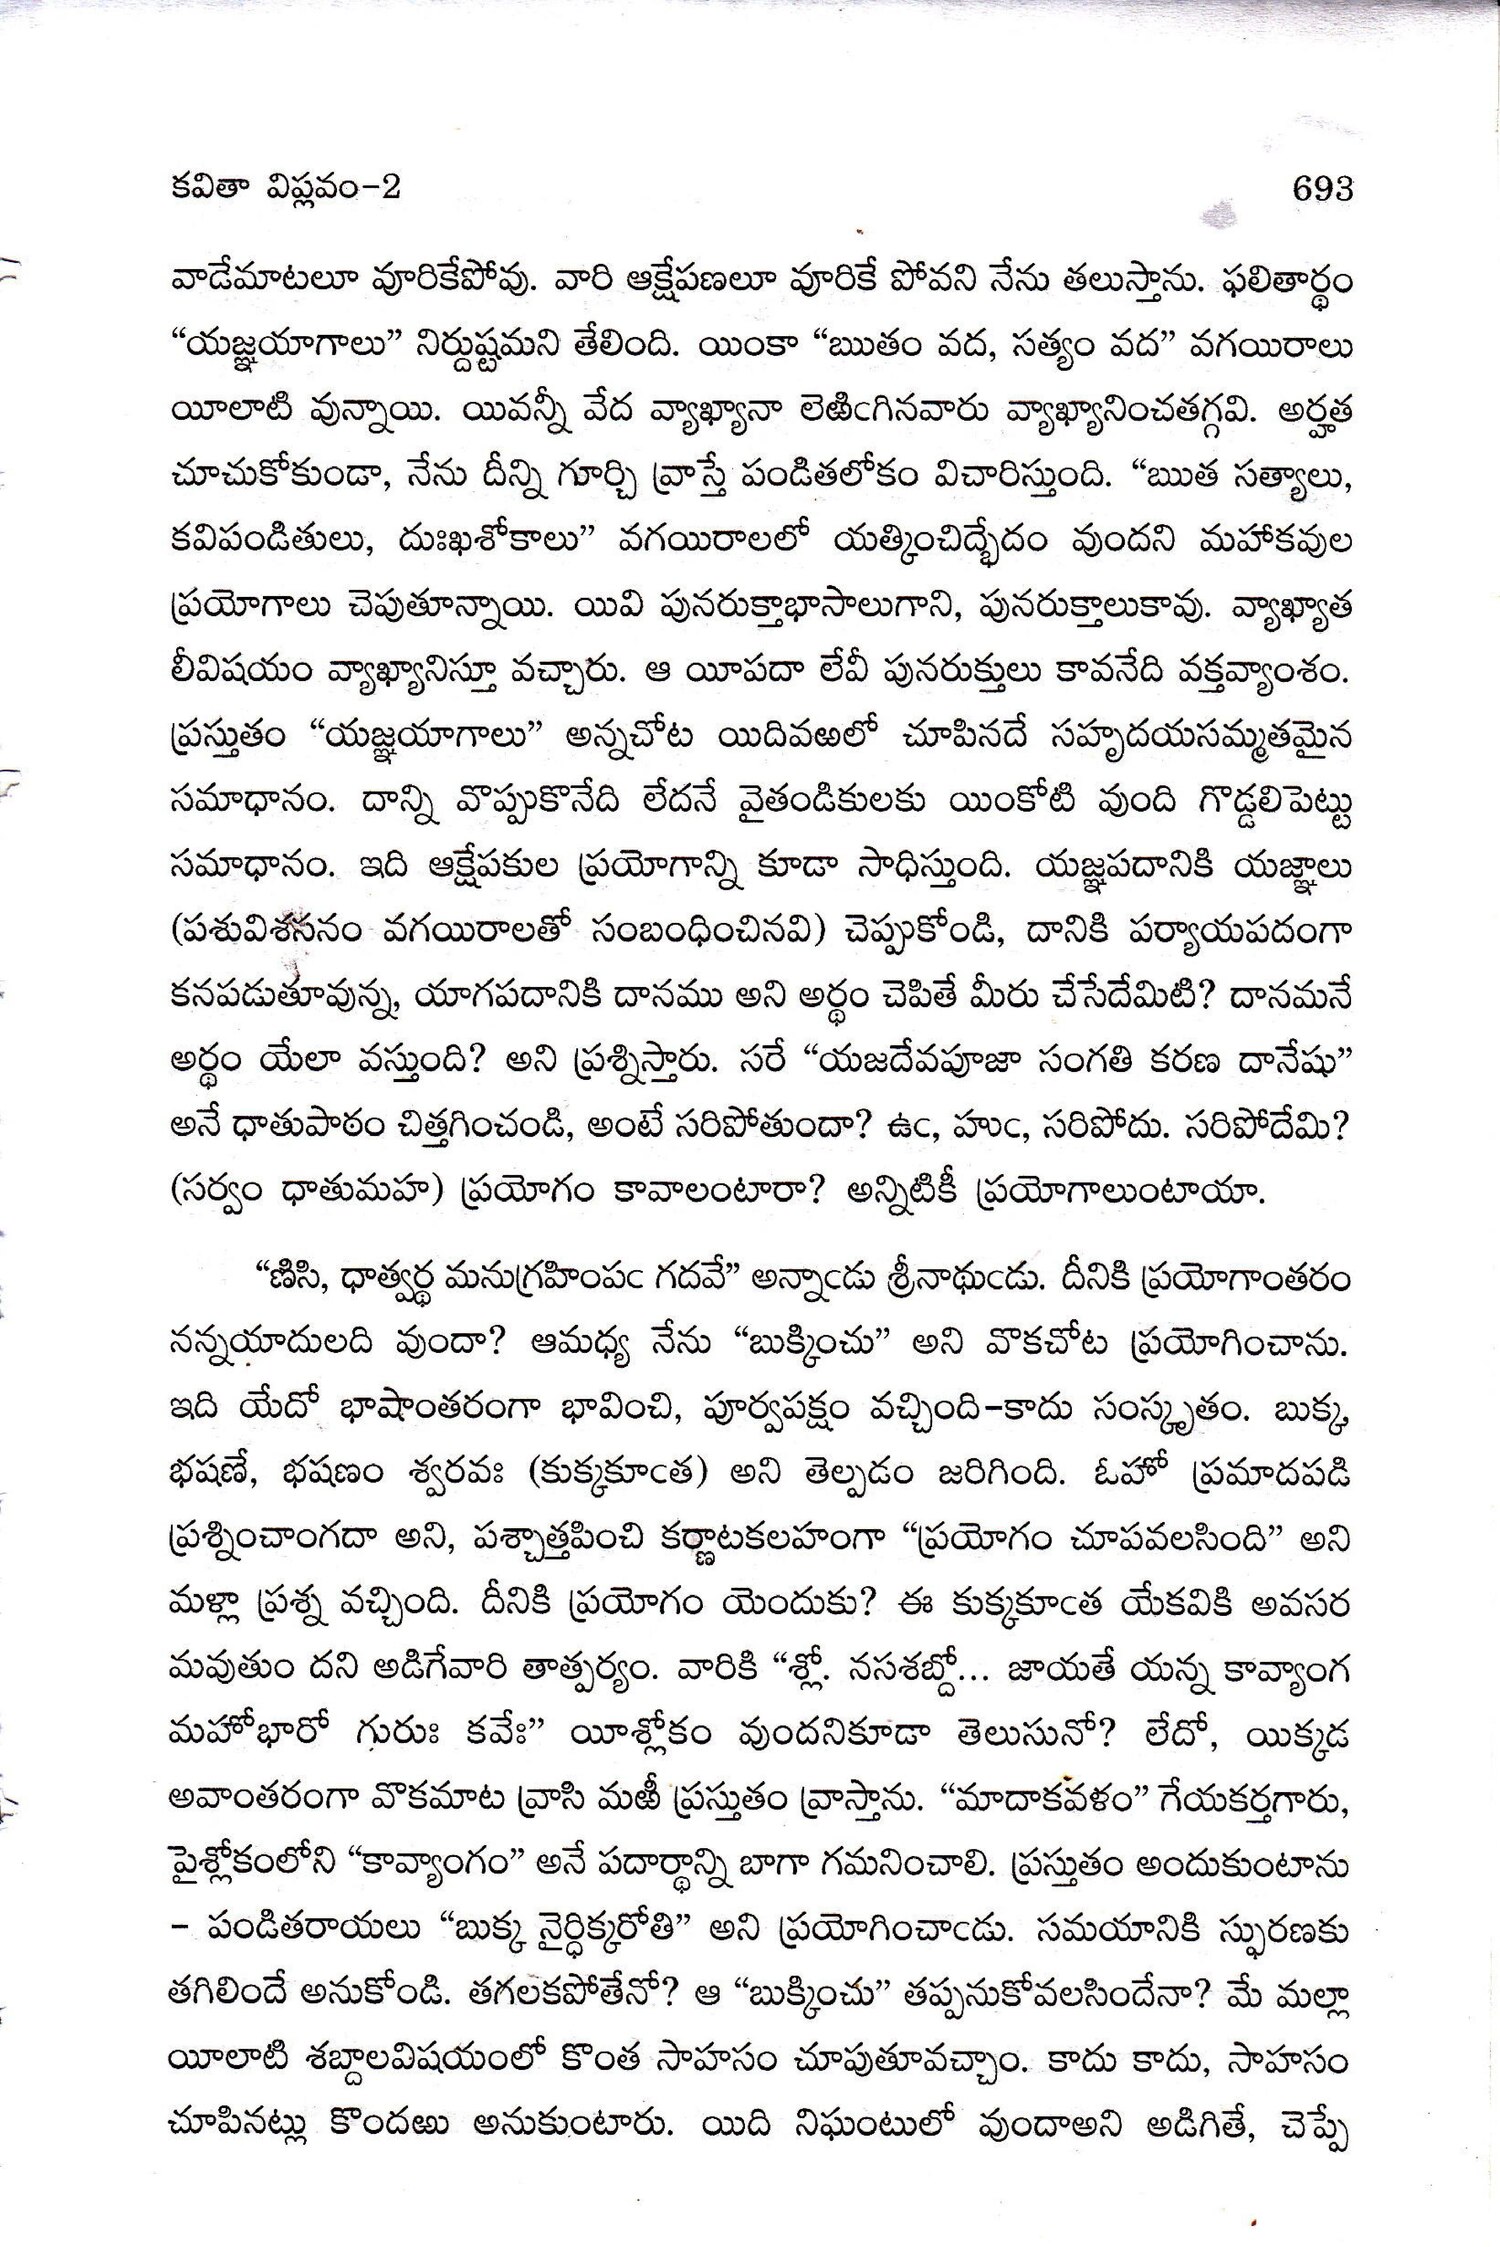వాడేమాటలూ వూరికేపోవు. వారి ఆక్షేపణలూ వూరికే పోవని నేను తలుస్తాను. ఫలితార్థం "యజ్ఞయాగాలు" నిర్దుష్టమని తేలింది. యింకా “ఋతం వద, సత్యం వద” వగయిరాలు యీలాటి వున్నాయి. యివన్నీ వేద వ్యాఖ్యానా లెఱిఁగినవారు వ్యాఖ్యానించతగ్గవి. అర్హత చూచుకోకుండా, నేను దీన్ని గూర్చి వ్రాస్తే పండితలోకం విచారిస్తుంది. "ఋత సత్యాలు, కవిపండితులు, దుఃఖశోకాలు” వగయిరాలలో యత్కించిద్భేదం వుందని మహాకవుల ప్రయోగాలు చెపుతూన్నాయి. యివి పునరుక్తాభాసాలుగాని, పునరుక్తాలుకావు. వ్యాఖ్యాత లీవిషయం వ్యాఖ్యానిస్తూ వచ్చారు. ఆ యీపదా లేవీ పునరుక్తులు కావనేది వక్తవ్యాంశం. ప్రస్తుతం "యజ్ఞయాగాలు" అన్నచోట యిదివఱలో చూపినదే సహృదయసమ్మతమైన సమాధానం. దాన్ని వొప్పుకొనేది లేదనే వైతండికులకు యింకోటి వుంది గొడ్డలిపెట్టు సమాధానం. ఇది ఆక్షేపకుల ప్రయోగాన్ని కూడా సాధిస్తుంది. యజ్ఞపదానికి యజ్ఞాలు (పశువిశసనం వగయిరాలతో సంబంధించినవి) చెప్పుకోండి, దానికి పర్యాయపదంగా కనపడుతూవున్న యాగపదానికి దానము అని అర్థం చెపితే మీరు చేసేదేమిటి? దానమనే అర్ధం యేలా వస్తుంది? అని ప్రశ్నిస్తారు. సరే “యజదేవపూజా సంగతి కరణ దానేషు” అనే ధాతుపాఠం చిత్తగించండి, అంటే సరిపోతుందా? ఉఁ, హుఁ, సరిపోదు. సరిపోదేమి? (సర్వం ధాతుమహ) ప్రయోగం కావాలంటారా? అన్నిటికీ ప్రయోగాలుంటాయూ.

“ణిసి, ధాత్వర్థ మనుగ్రహింపఁ గదవే" అన్నాఁడు శ్రీనాథుఁడు. దీనికి ప్రయోగాంతరం నన్నయాదులది వుందా? ఆమధ్య నేను “బుక్కించు" అని వొకచోట ప్రయోగించాను. ఇది యేదో భాషాంతరంగా భావించి, పూర్వపక్షం వచ్చింది-కాదు సంస్కృతం. బుక్క భషణే, భషణం శ్వరవః (కుక్కకూఁత) అని తెల్పడం జరిగింది. ఓహో ప్రమాదపడి ప్రశ్నించాంగదా అని, పశ్చాత్తపించి కర్ణాటకలహంగా “ప్రయోగం చూపవలసింది” అని మళ్లా ప్రశ్న వచ్చింది. దీనికి ప్రయోగం యెందుకు? ఈ కుక్కకూఁత యేకవికి అవసర మవుతుం దని అడిగేవారి తాత్పర్యం. వారికి “శ్లో. నసశబ్దో... జాయతే యన్న కావ్యాంగ మహోభారో గురుః కవేః” యీశ్లోకం వుందనికూడా తెలుసునో? లేదో, యిక్కడ అవాంతరంగా వొకమాట వ్రాసి మఱీ ప్రస్తుతం వ్రాస్తాను. “మాదాకవళం' గేయకర్తగారు, పైశ్లోకంలోని "కావ్యాంగం" అనే పదార్ధాన్ని బాగా గమనించాలి. ప్రస్తుతం అందుకుంటాను - పండితరాయలు “బుక్క నైర్ధిక్కరోతి" అని ప్రయోగించాఁడు. సమయానికి స్ఫురణకు తగిలిందే అనుకోండి. తగలకపోతేనో? ఆ "బుక్కించు" తప్పనుకోవలసిందేనా? మే మల్లా యీలాటి శబ్దాలవిషయంలో కొంత సాహసం చూపుతూవచ్చాం, కాదు కాదు, సాహసం చూపినట్లు కొందఱు అనుకుంటారు. యిది నిఘంటులో వుందాఅని అడిగితే, చెప్పే